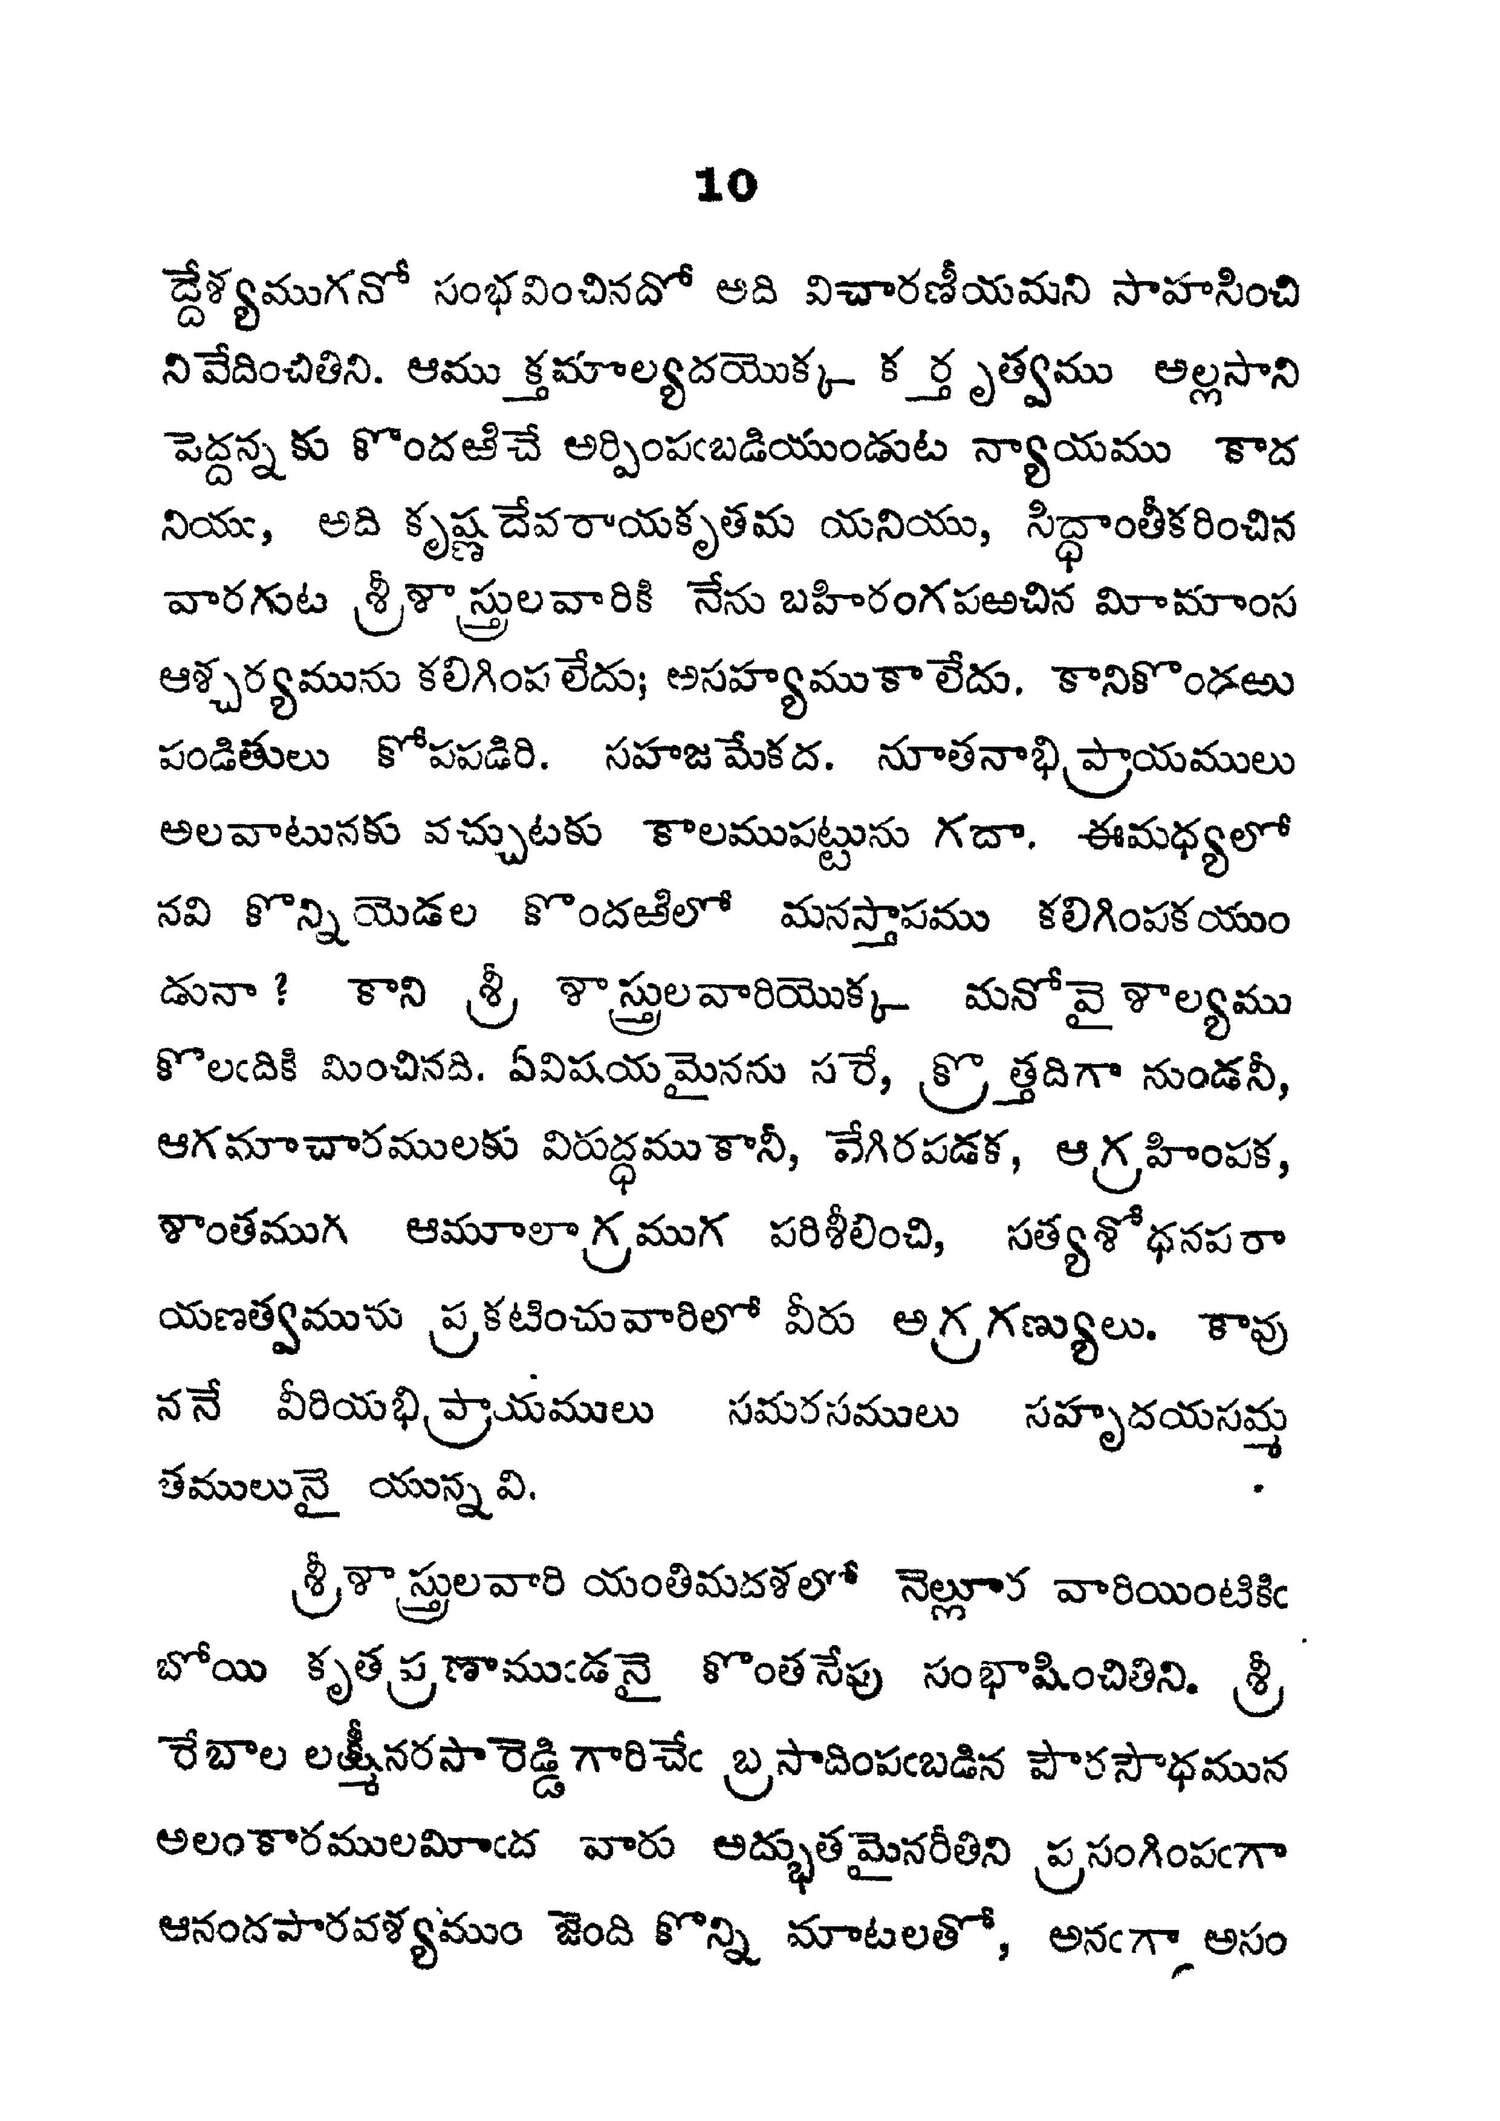ద్దేశ్యముగనో సంభవించినదో అది విచారణీయమని సాహసించి నివేదించితిని. ఆముక్తమాల్యదయొక్క కర్తృత్వము అల్లసాని పెద్దన్నకు కొందఱిచే అర్పింపబడియుండుట న్యాయము కాదనియు, అది కృష్ణదేవరాయకృతమ యనియు, సిద్ధాంతీకరించిన వారగుట శ్రీశాస్త్రులవారికి నేను బహిరంగపఱచిన మీమాంస ఆశ్చర్యమును కలిగింపలేదు; అసహ్యముకాలేదు. కానికొందఱు పండితులు కోపపడిరి. సహజమేకద. నూతనాభిప్రాయములు అలవాటునకు వచ్చుటకు కాలముపట్టును గదా. ఈమధ్యలోనవి కొన్నియెడల కొందఱిలో మనస్తాపము కలిగింపకయుండునా? కాని శ్రీ శాస్త్రులవారియొక్క మనోవైశాల్యము కొలదికి మించినది. ఏవిషయమైనను సరే, క్రొత్తదిగా నుండనీ, ఆగమాచారములకు విరుద్ధముకానీ, వేగిరపడక, ఆగ్రహింపక, శాంతముగ ఆమూలాగ్రముగ పరిశీలించి, సత్యశోధనపరాయణత్వమును ప్రకటించువారిలో వీరు అగ్రగణ్యులు. కావుననే వీరియభిప్రాయములు సమరసములు సహృదయసమ్మతములునై యున్నవి.

శ్రీశాస్త్రులవారి యంతిమదశలో నెల్లూర వారియింటికిబోయి కృతప్రణాముడనై కొంతసేపు సంభాషించితిని. శ్రీ రేబాల లక్ష్మీనరసారెడ్డి గారిచే బ్రసాదింపబడిన పౌరసౌధమున అలంకారములమీద వారు అద్భుతమైనరీతిని ప్రసంగింపగా ఆనందపారవశ్యముం జెంది కొన్ని మాటలతో, అనగా అసం